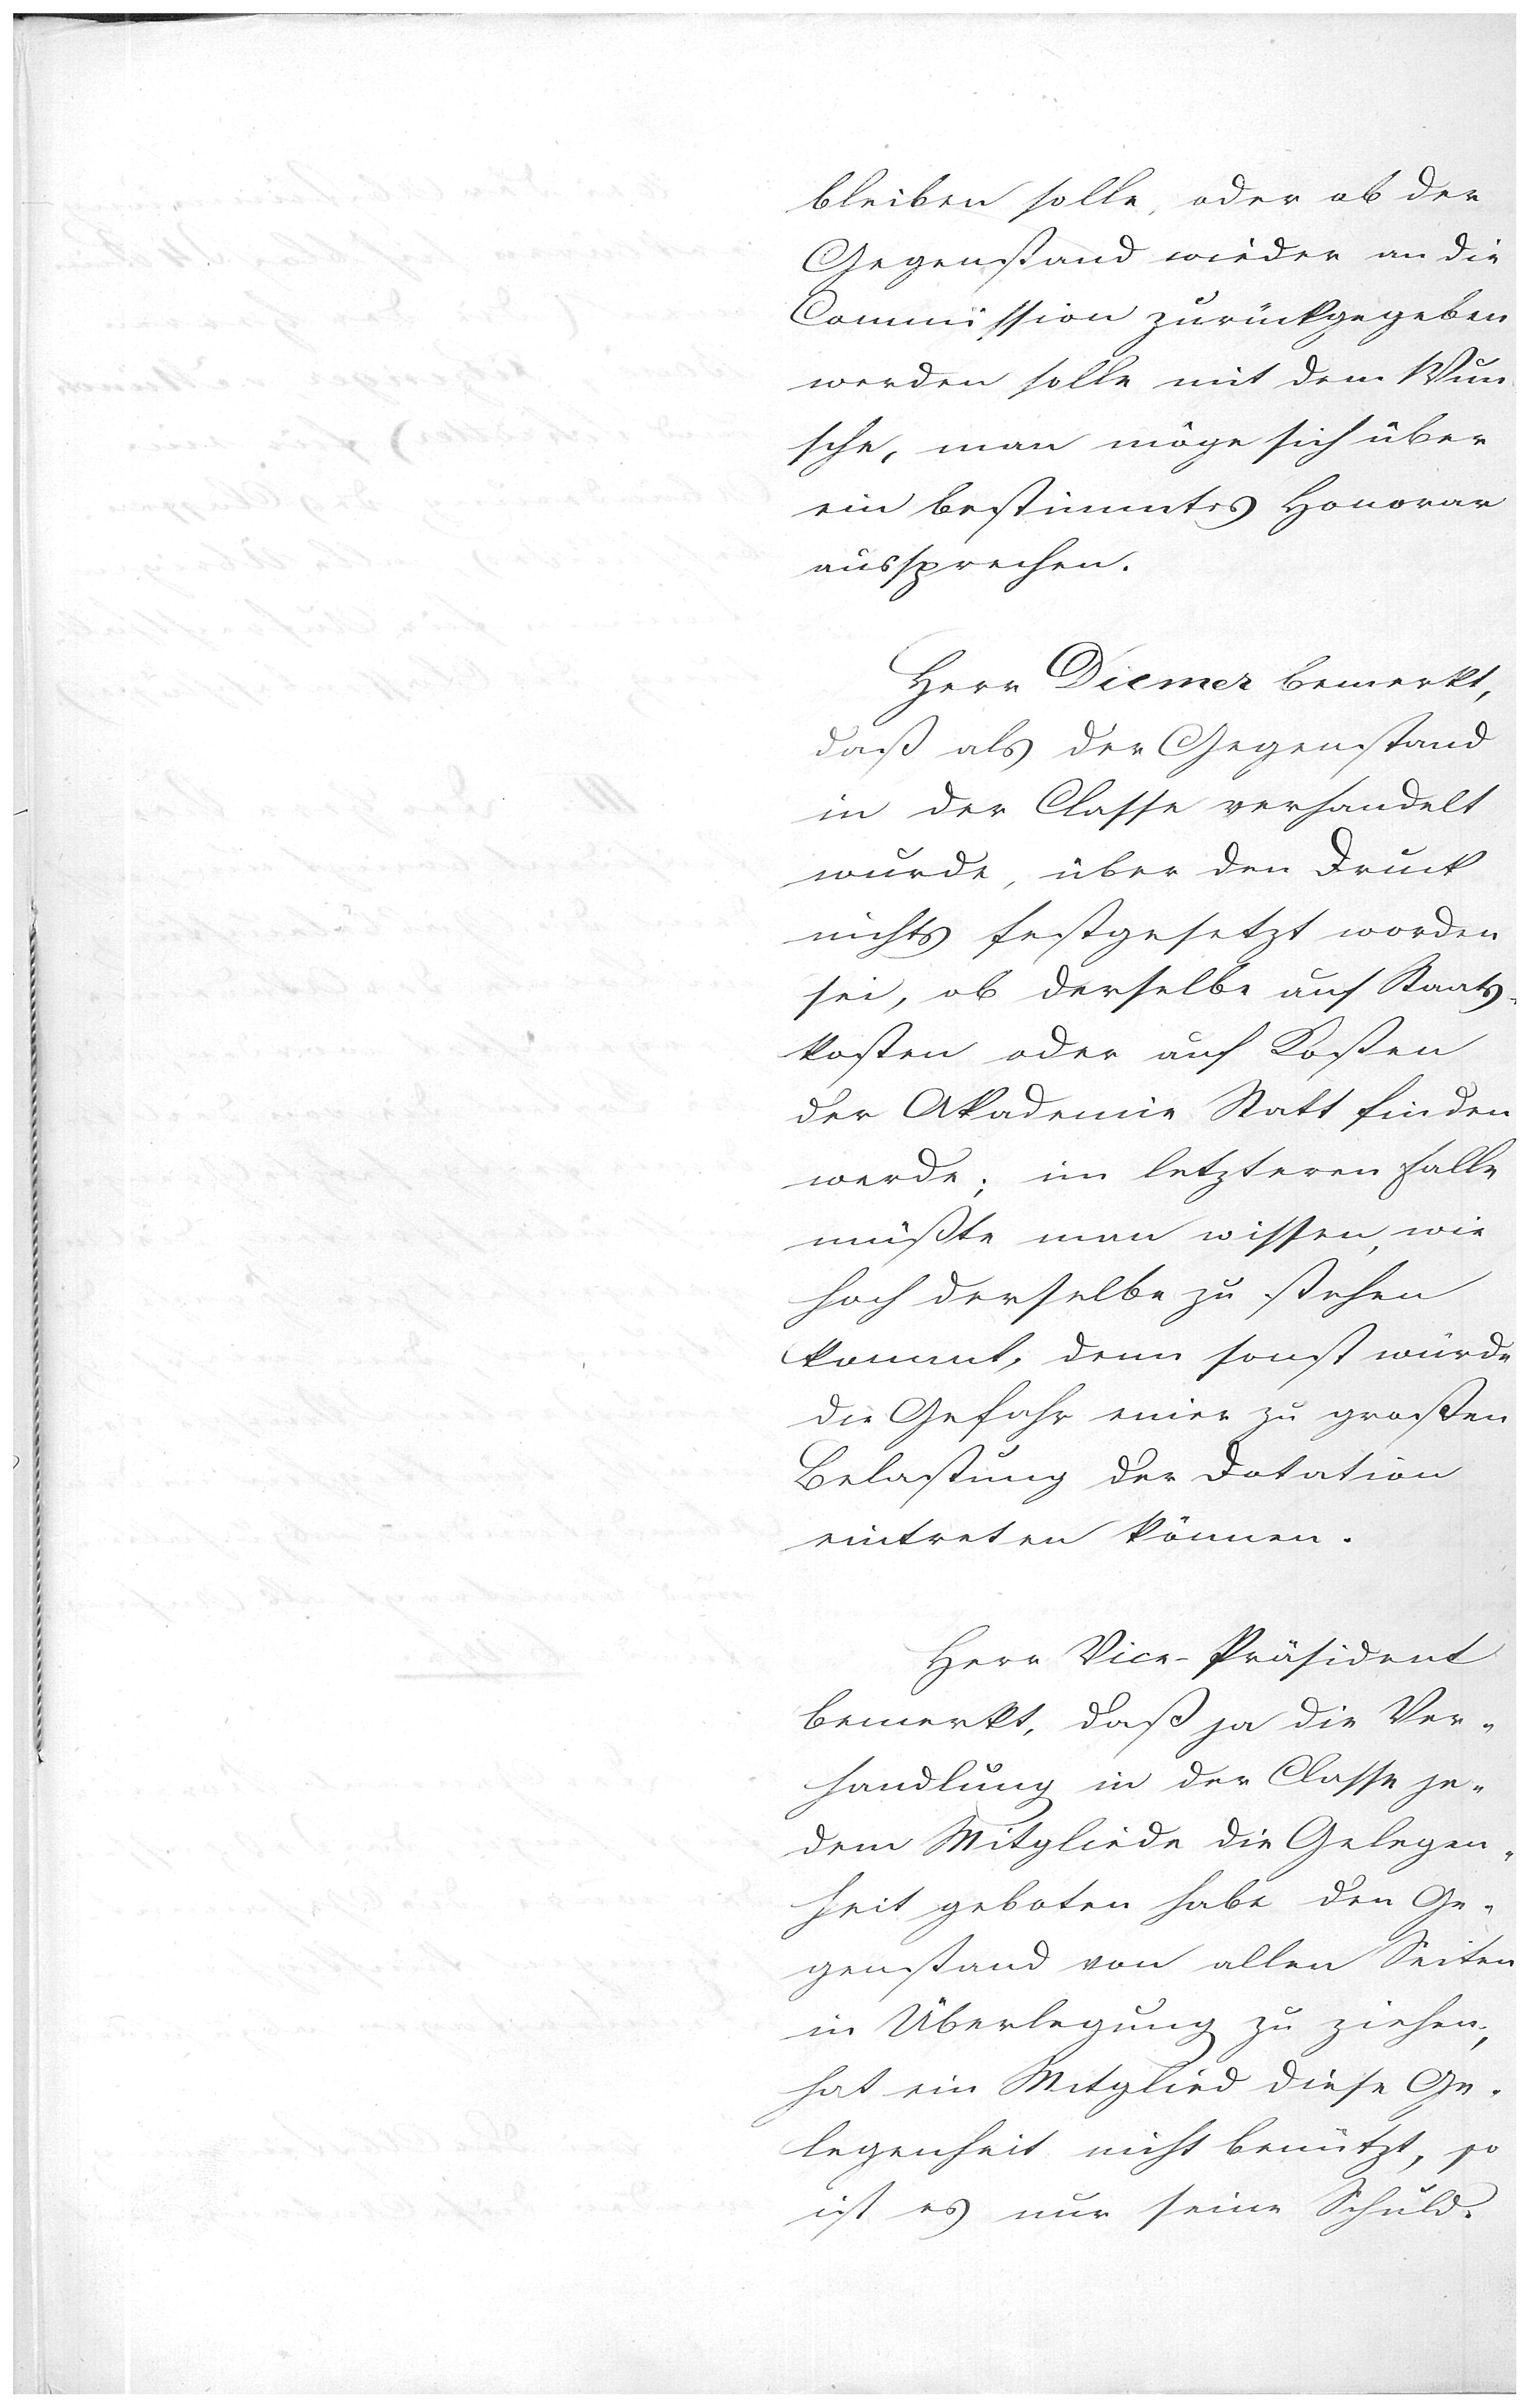bleiben solle, oder ob der
Gegenstand wieder an die
Commission zurückgegeben
werden solle mit dem Wun-
sche, man möge sich über
ein bestimmtes Honorar
aussprechen.
Herr Diemer bemerkt,
daß als der Gegenstand
in der Classe verhandelt
wurde, über den Druck
nichts festgesetzt worden
sei, ob derselbe auf Staats-
kosten oder auf Kosten
der Akademie Statt finden
werde; im letzteren Falle
müßte man wissen, wie
hoch derselbe zu stehen
kommt, denn sonst würde
die Gefahr einer zu großen
Belastung der Dotation
eintreten können.
Herr Vice-Präsident
bemerkt, daß ja die Ver-
handlung in der Classe je-
dem Mitgliede die Gelegen-
heit geboten habe den Ge-
genstand von allen Seiten
im Überlegung zu ziehen,
hat ein Mitglied diese Ge-
legenheit nicht benützt, so
ist es nur seine Schuld.